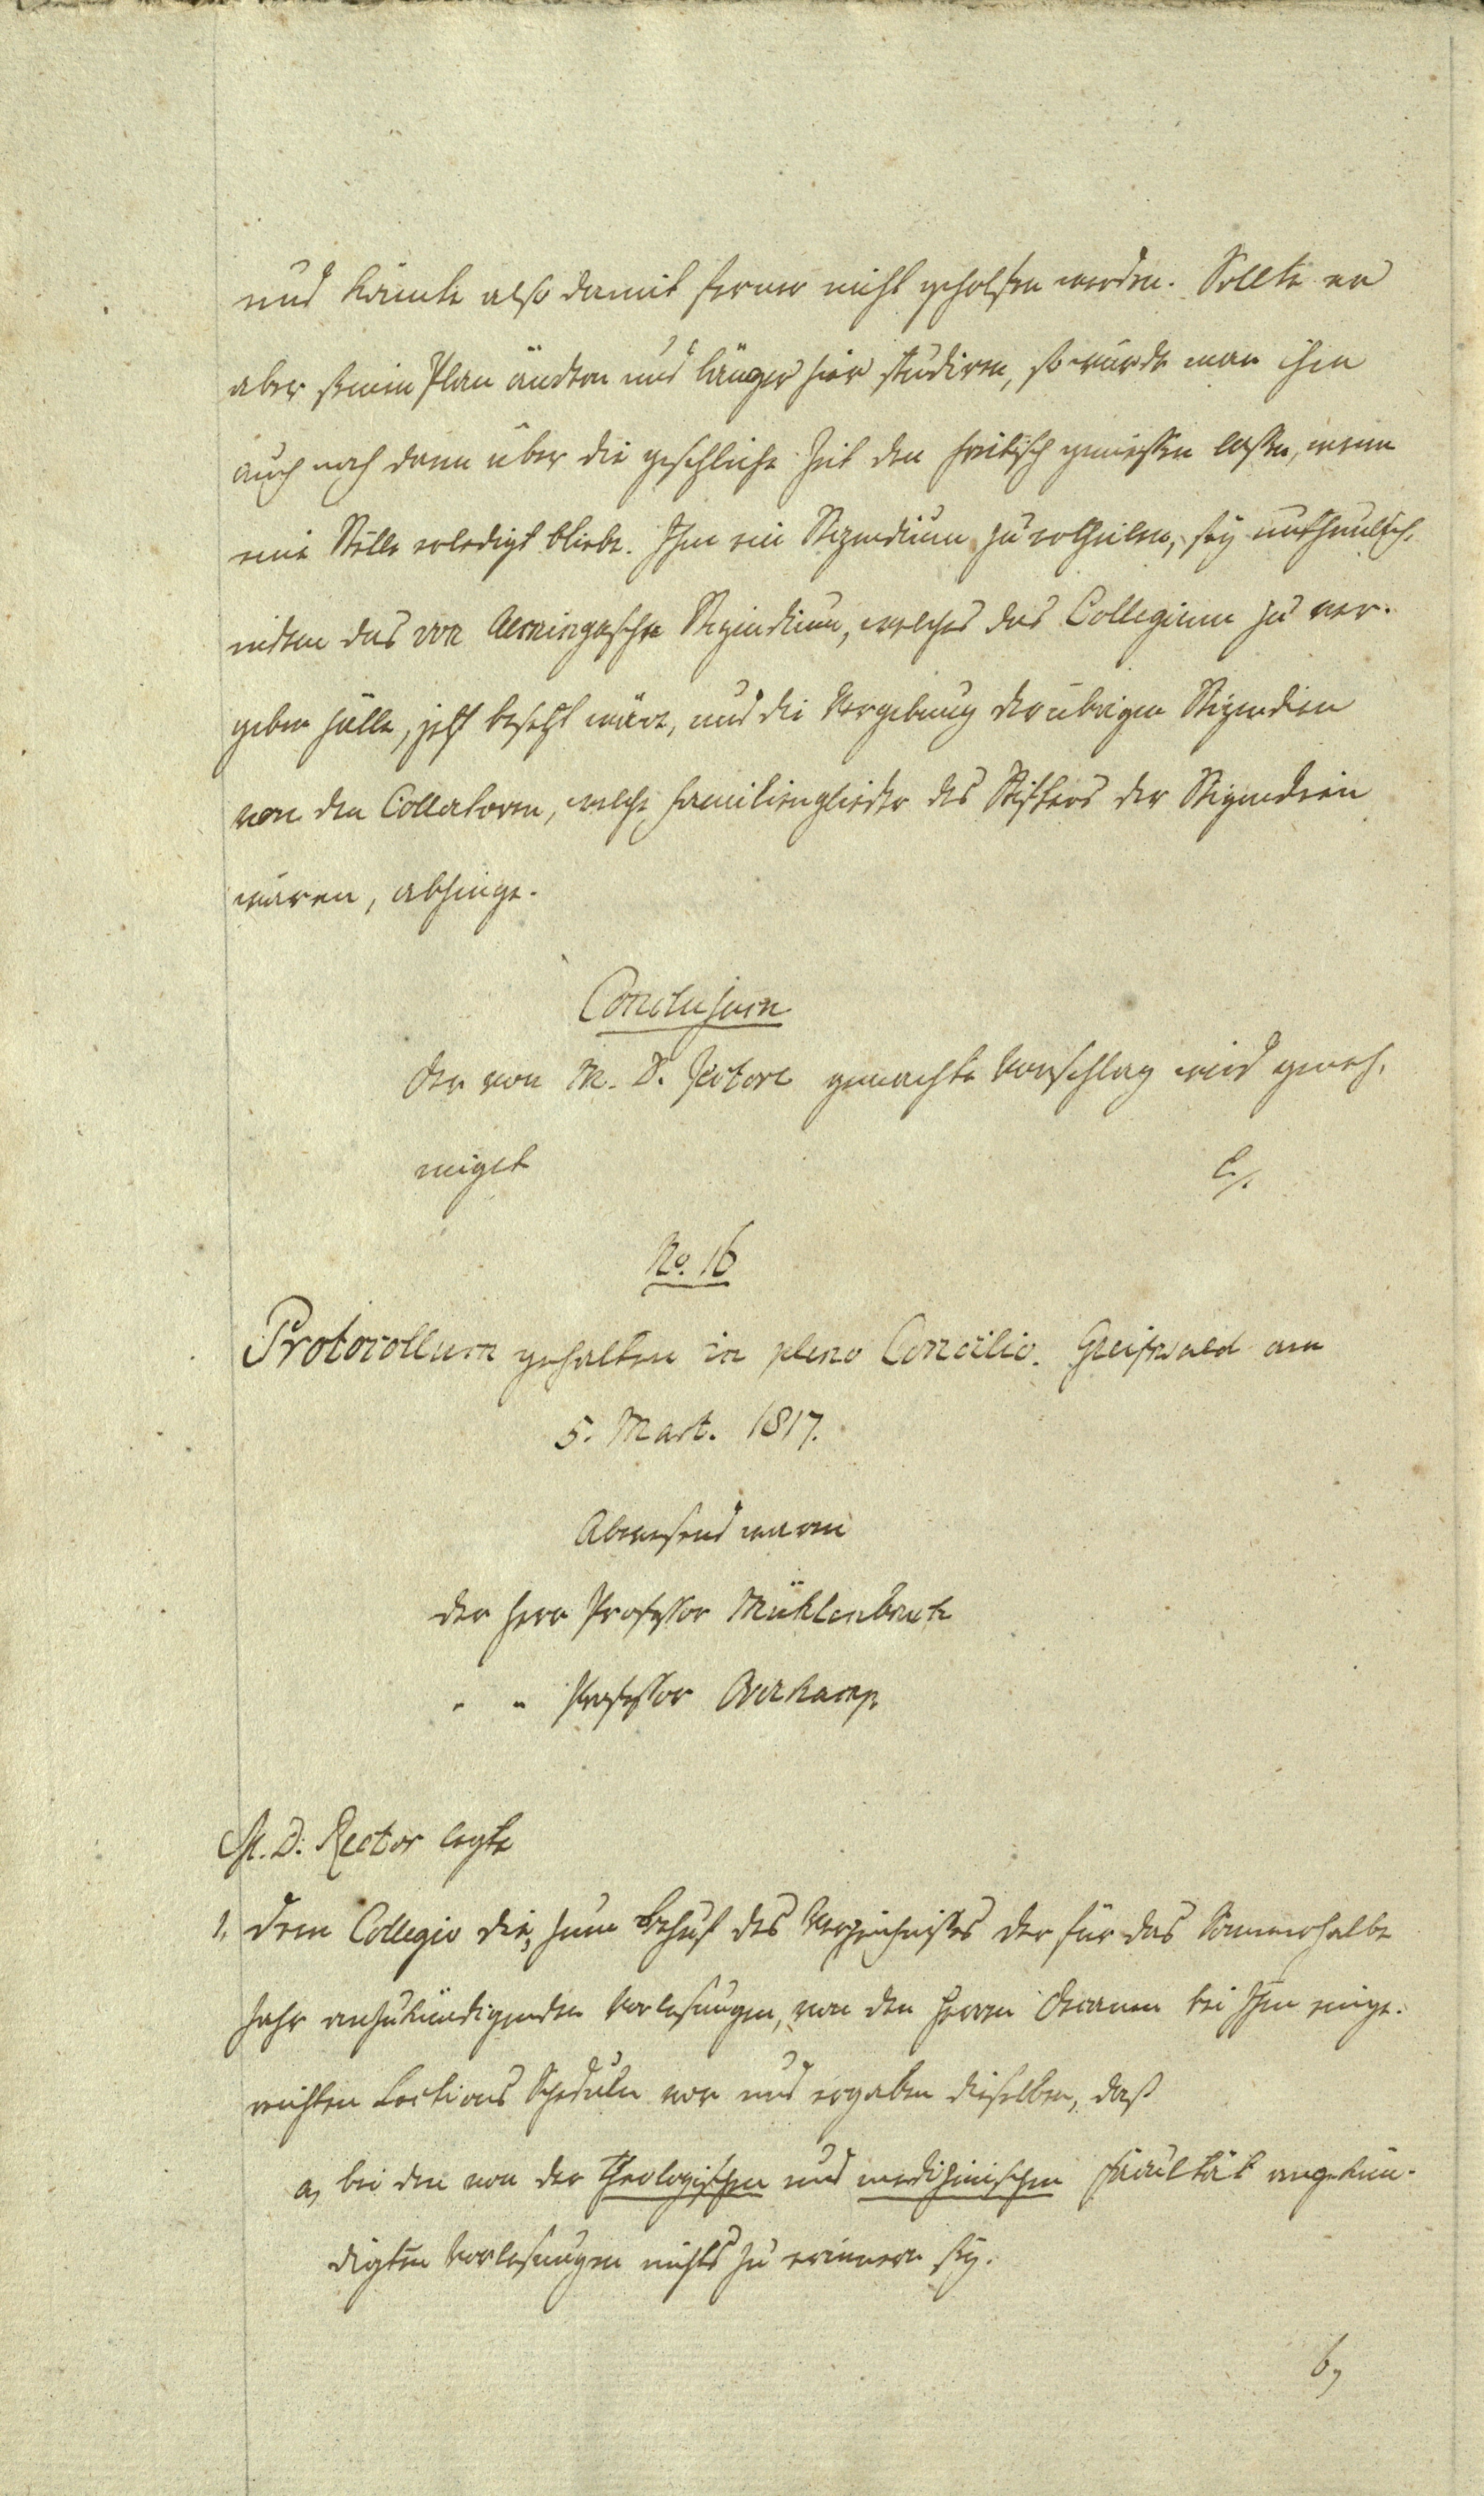und könnte also damit ferner nicht geholfen werden. Sollte er
aber seinen Plan ändern und länger hier studiren, so würde man ihm
auch noch dann über die gesetzliche Zeit den Freitsch geniessen lassen, wenn
eine Stelle erledigt bliebe. Ihm ein Stipendium zu ertheilen, seÿ unthunlich,
indem das von Aemingasche Stipendium, welches das Collegium zu ver¬
geben hätte, jetzt besetzt wäre, und die Vergebung der übrigen Stipendien
von den Collatoren, welche Familienglieder des Stifters der Stipendien
wären, abhinge.
Conclusum
Der von M. D. Rectore gemachte Vorschlag wird geneh¬
miget.
c/.
No 16
Protocollum gehalten in pleno Concilii. Greifswald am
5. Mart. 1817.
Abwesend waren
der Herr Professor Mühlenbruch.
Professor Overkamp
M. D. Rector legte
1. dem Collegio die, zum Behuf des Verzeichnisses der für das Sommerhalbe
Jahr anzukündigenden Vorlesungen, von den Herren Decanen bei Ihm einge¬
reichten Lections Scheduln vor und ergaben dieselben, daß
a, bei den von der Theologischen und medizinischem Facultät angekün¬
digten Vorlesungen nichts zu erinnern seÿ.
b.